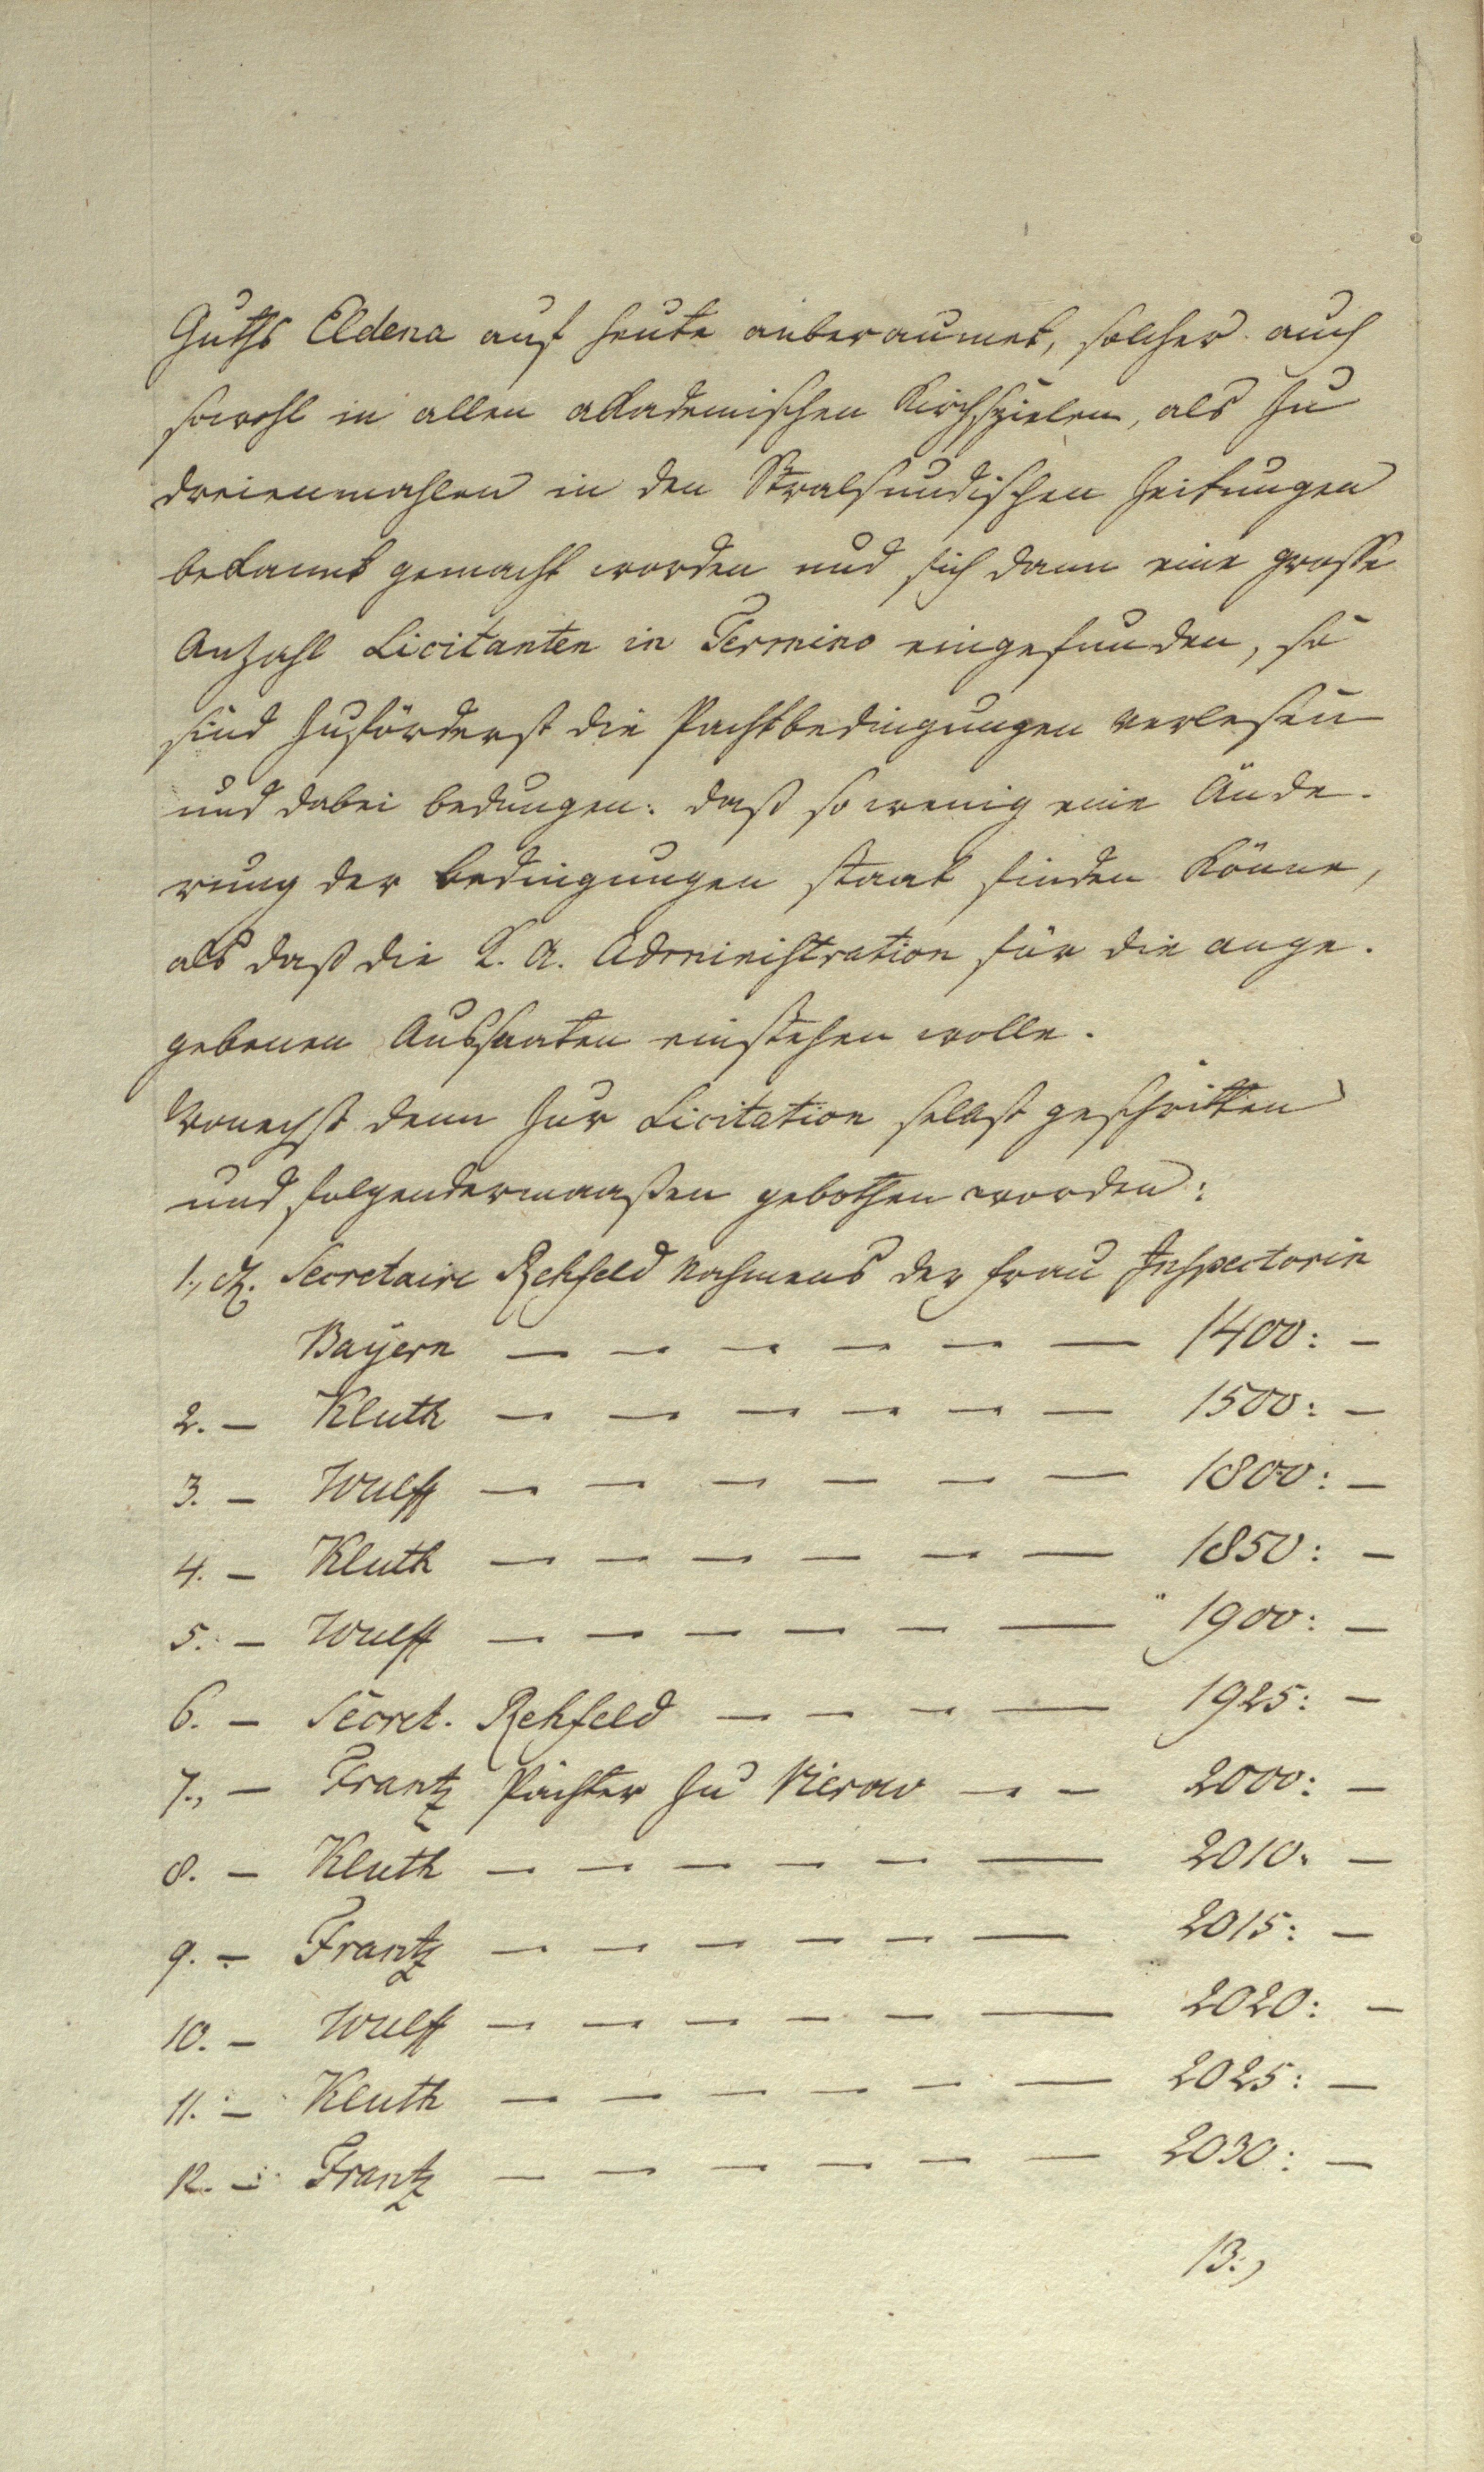Guths Eldena auf heute anberaumet, solcher auch
sowohl in allen akademischen Kirchspielen, als zu
dreienmahlen in den Stralsundischen Zeitungen
bekannt gemacht worden und sich dann eine grosse
Anzahl Licitanten in Termino eingefunden, so
sind zuförderst die Pachtbedingungen verlesen
und dabei bedungen: daß so wenig eine Ände¬
rung der Bedingungen staat finden könne,
als daß die K. A. Administration für die ange¬
gebenen Aussaaten einstehen wolle.
Wonechst denn zur Licitation selbst geschritten
und folgendermaaßen gebothen worden:
1., dh. Secretaire Rehfeld Nahmens der Frau Inspectorin
Baÿern 1400:
2. Kluth 1500:
3. Wulff 1800:
4. Kluth 1850:
5. Wulff 1900:
6. Secret. Rehfeld 1925:
7. Frantz Pächter zu Vierow 2000:
8. Kluth 2010:
9. Frantz 2015:
10. Wulff 2020:
11. Kluth 2025:
12. Frantz 2030:
13.,